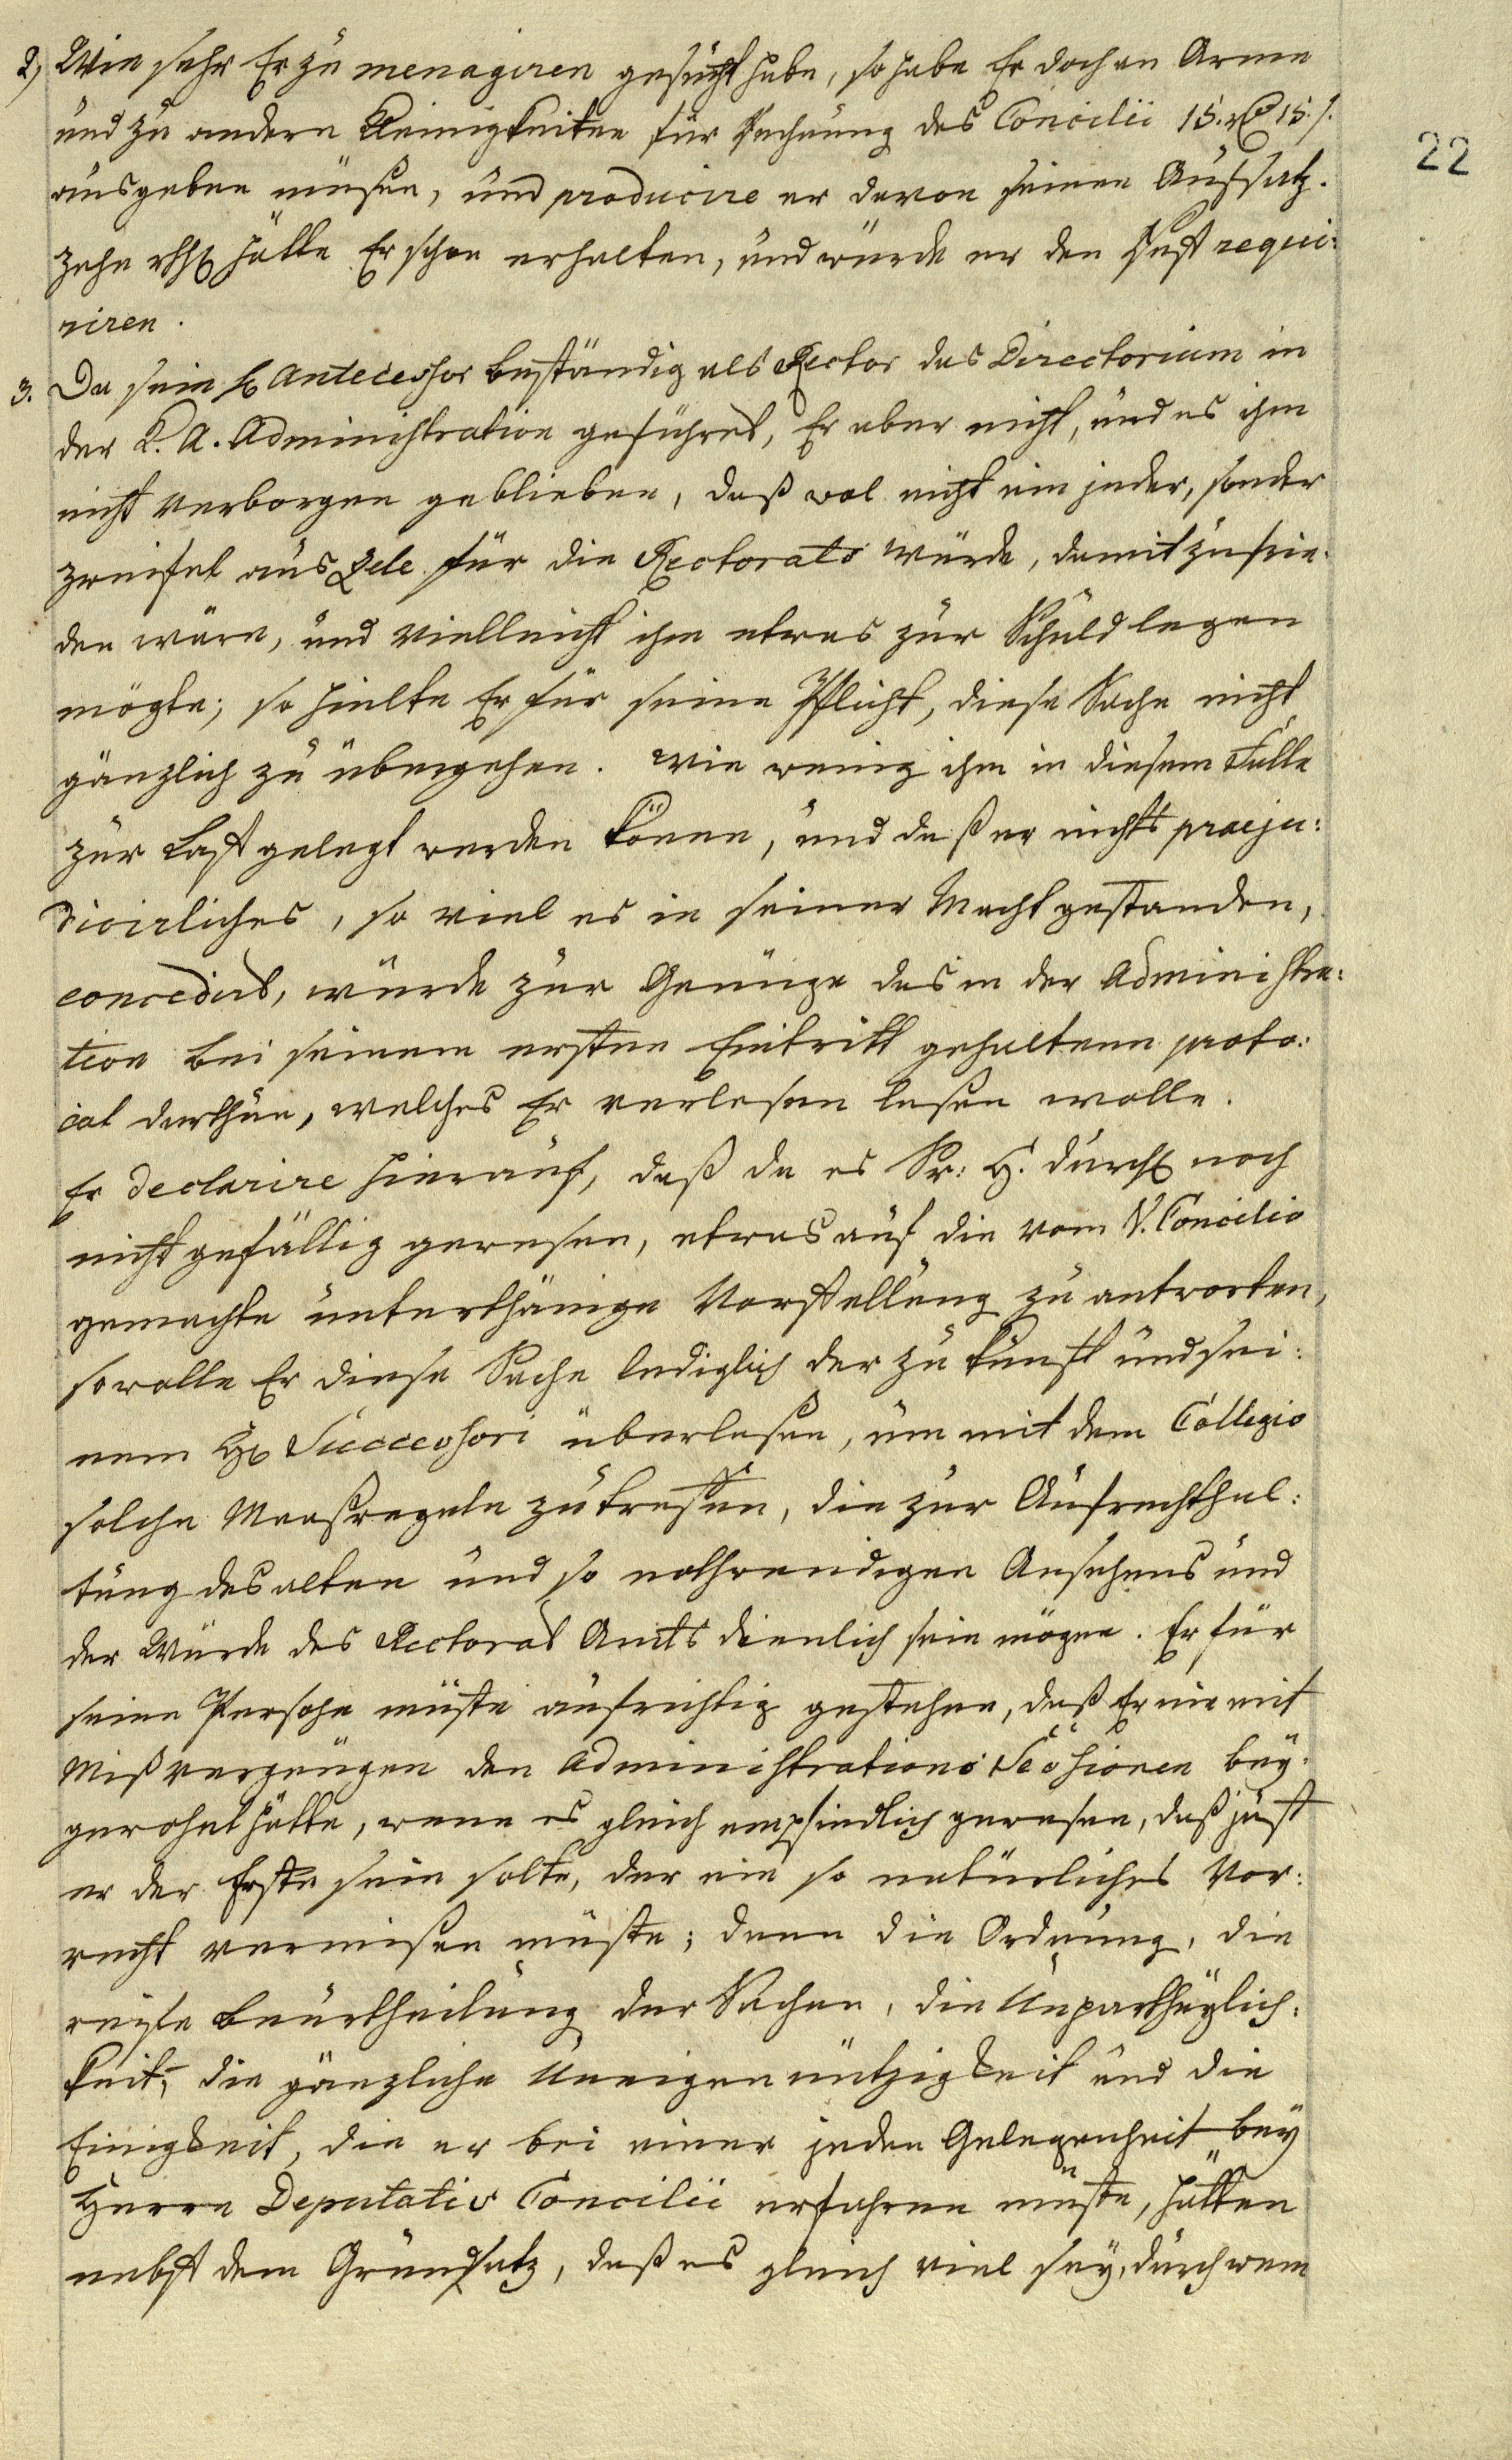2, Wie sehr Er zu menagiren gesucht habe, so habe Er doch an Arme
und zu andern Kleinigkeiten für Rechnung des Concilii 15 rl. 15 s.
ausgeben müßen, und producire er davon seinen Aufsatz.
Zehn rl. hätte Er schon erhalten, und würde er den Rest requi¬
riren.
3. Da sein h. Antecessor beständig als Rector das Directorium in
der K. A. Administration geführet, Er aber nicht, und es ihm
nicht verborgen geblieben, daß wol nicht ein jeder, sonder
Zweifel aus zele für die Rectorats Würde, damit zufrie¬
den wäre, und vielleicht ihm etwas zur Schuld legen
mögte; so hielte Er für seine Pflicht, diese Sache nicht
gänzlich zu übergehen. Wie wenig ihm in diesem Falle
zur Last gelegt werden könne, und daß er nichts praeju¬
dicirliches, so viel es in seiner Macht gestanden,
concedirt, würde zur Genüge das in der Administra¬
tion bei seinem ersten Eintritt gehaltene proto¬
col darthun, welches Er verlesen laßen wolle.
Er declarire hierauf, daß da es Sr H. Durchl. noch
nicht gefällig gewesen, etwas auf die vom V. Concilio
gemachte unterthänige Vorstellung zu antworten,
so wolle Er diese Sache lediglich der Zukunft und sei¬
nem h.Successori überlaßen, um mit dem Collegio
solche Maaßregeln zu treffen, die zur Aufrechthal¬
tung des alten und so nothwendigen Ansehens und
der Würde des Rectorat Amts dienlich sein mögen. Er für
seine Persohn müste aufrichtig gestehen, daß Er nie mit
Mißvergnügen den Administrations Sessionen beÿ
gewohnt hätte, wenn es gleich empfindlich gewesen, daß just
er der Erste sein solte, der ein so natürliches Vor¬
recht vermiesen müste; denn die Ordnung, die
reife Beurtheilung der Sachen, die Unpartheÿlich¬
keit die gänzliche Uneigennützigkeit und die
Einigkeit, die er bei einer jeden Gelegenheit beÿ
Herrn Deputatis Concilii erfahren muste, hätten
nebst dem Grundsatz, daß es gleich viel seÿ, durch wem